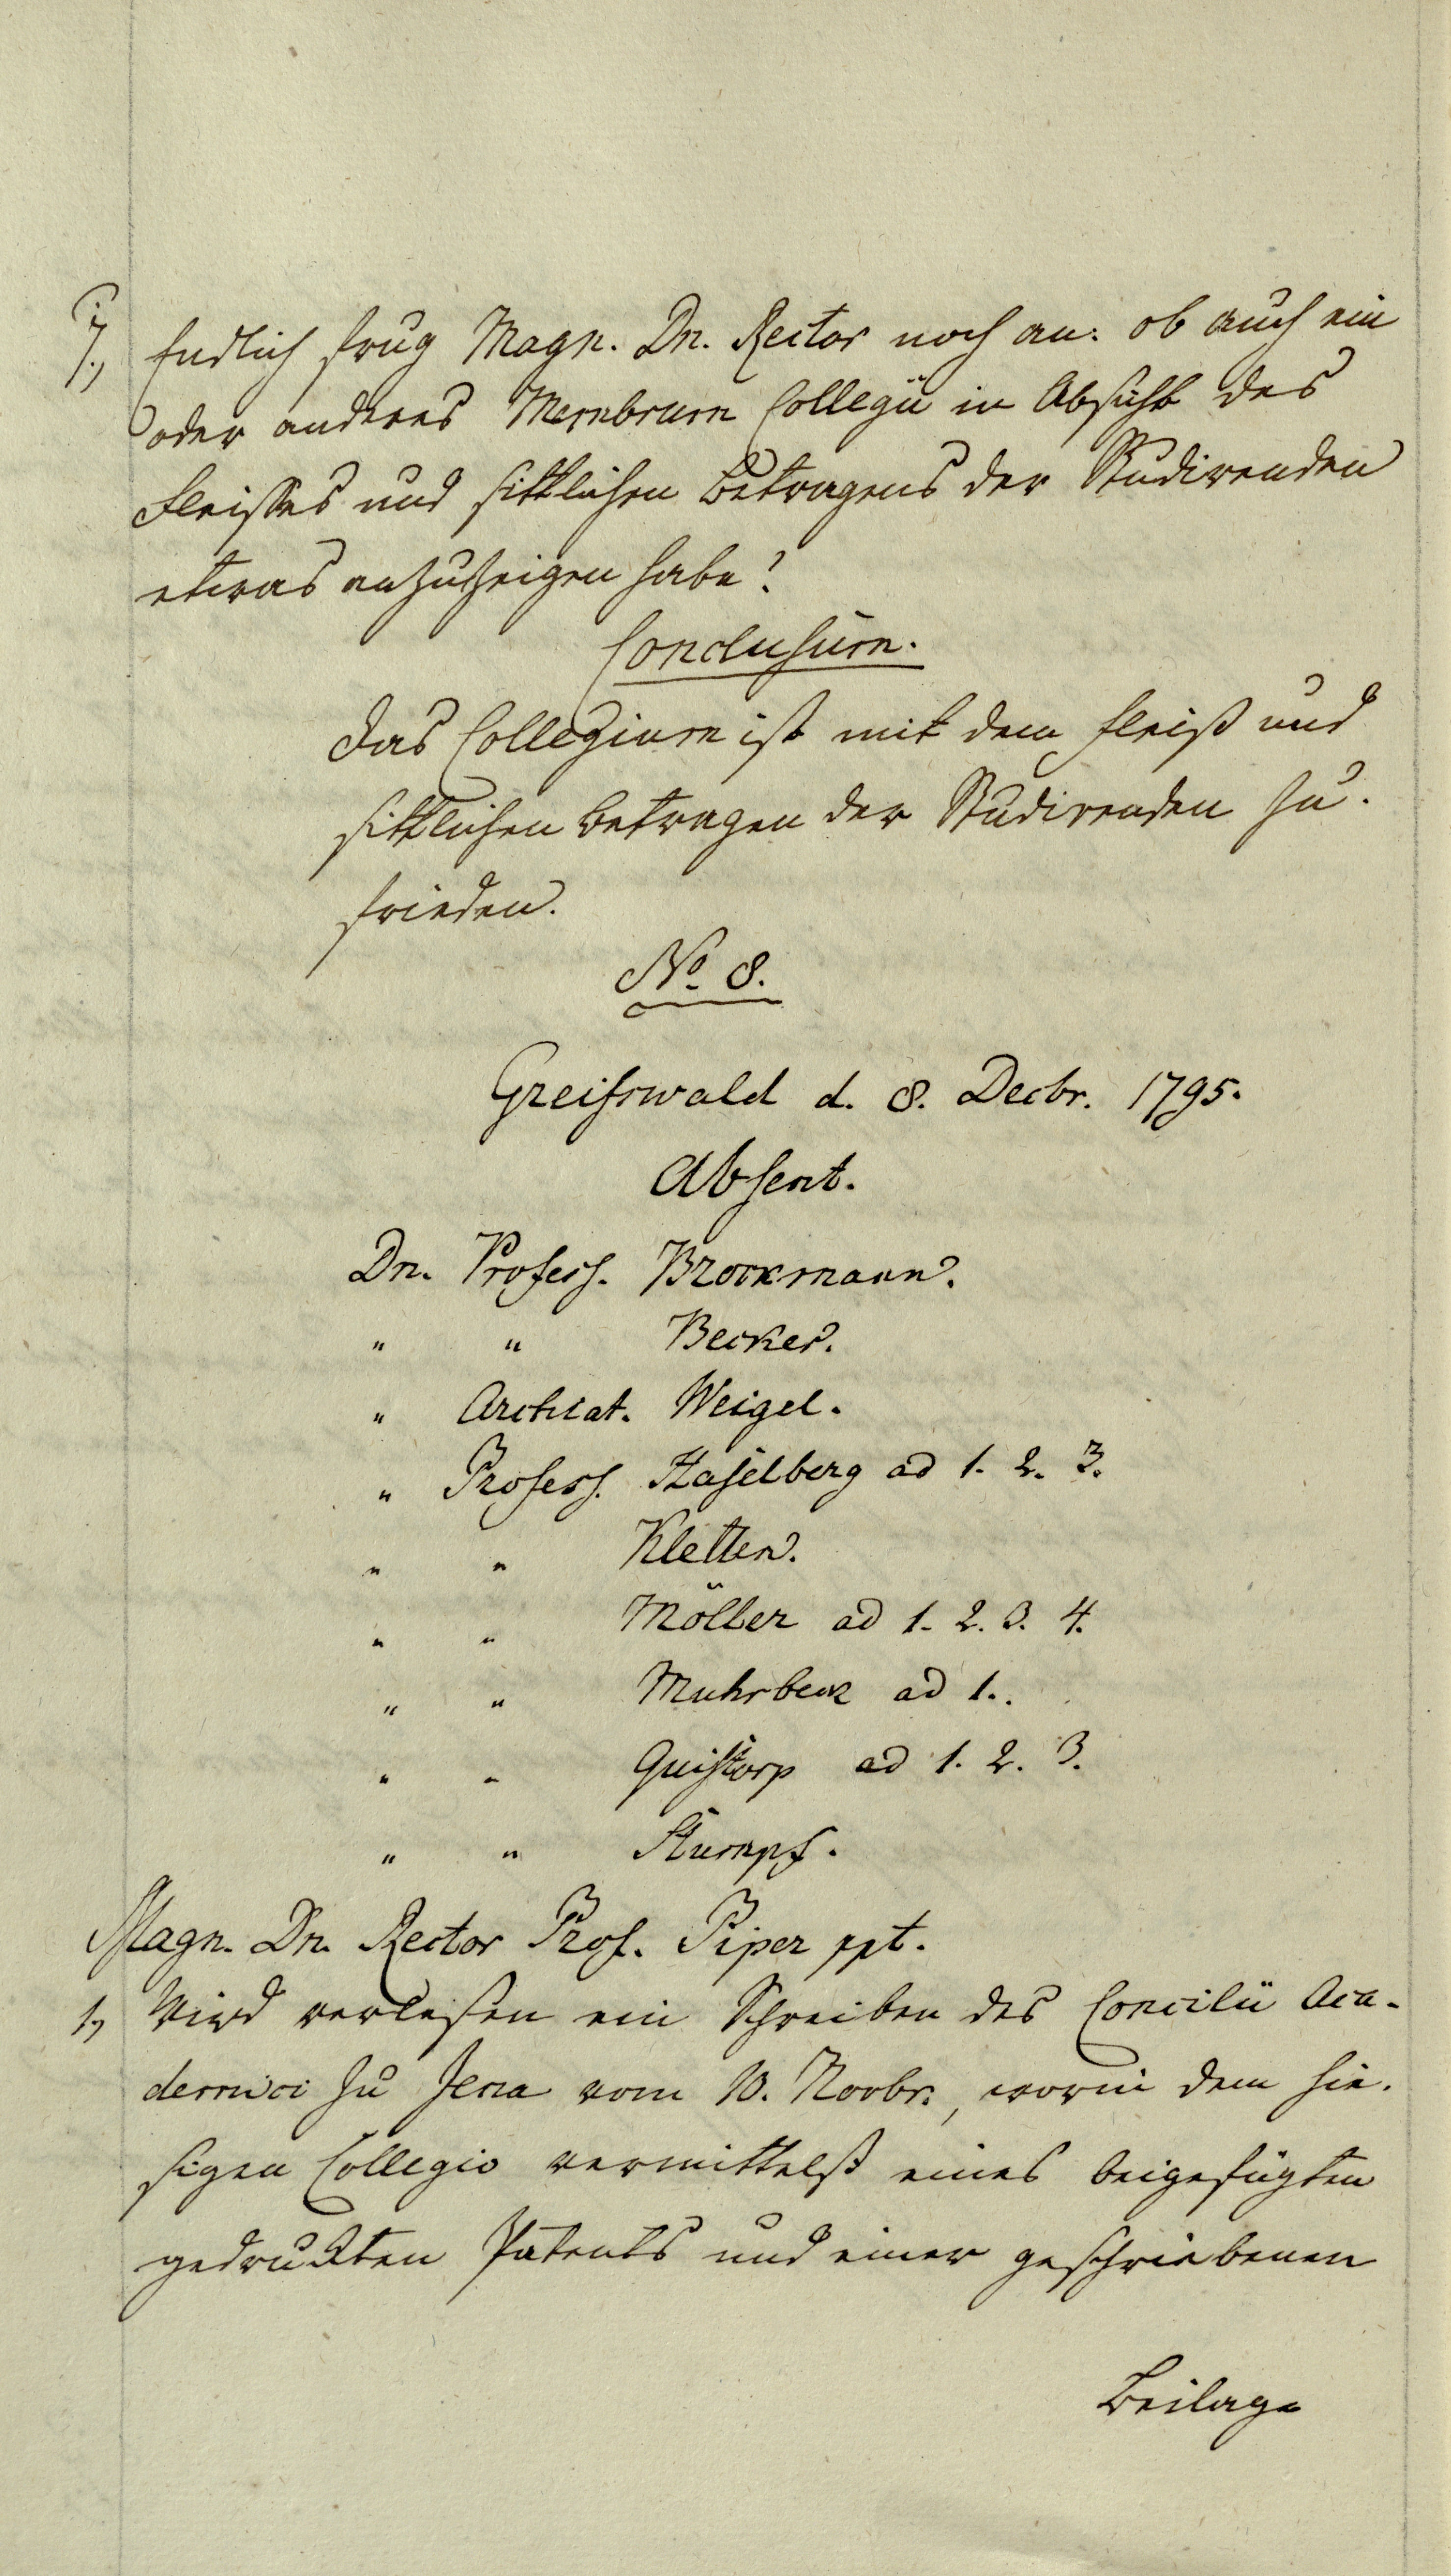7., Endlich frug Magn. Dn. Rector noch an: ob auch ein
oder anderes Membrum Collegii in Absicht des
Fleisses und sittlichen Betragens der Studirenden
etwas anzuzeigen habe?
Conclusum.
Das Collegium ist mit dem Fleiß und
sittlichen Betragen der Studirenden zu¬
frieden.
No 8.
Greifswald d. 8. Decbr. 1795.
Absent.
Dn. Profess. Brockmann.
" " Becker.
" Archiv. Weigel.
" Profess. Haselberg ad 1. 2. 3.
" " Kletten.
" " Möller ad 1. 2. 3. 4.
" " Muhrbeck ad 1.
" " Quistorp ad 1. 2. 3.
" " Stumpf.
Magn. Dn. Rector Prof. Piper ppt.
1., Wird verlesen ein Schreiben des Concilii Aca¬
demici zu Jena vom 10. Novbr., worin dem hie¬
sigen Collegio vermittelß eines beigefügten
gedruckten Patents und einer geschriebenen
Beilage